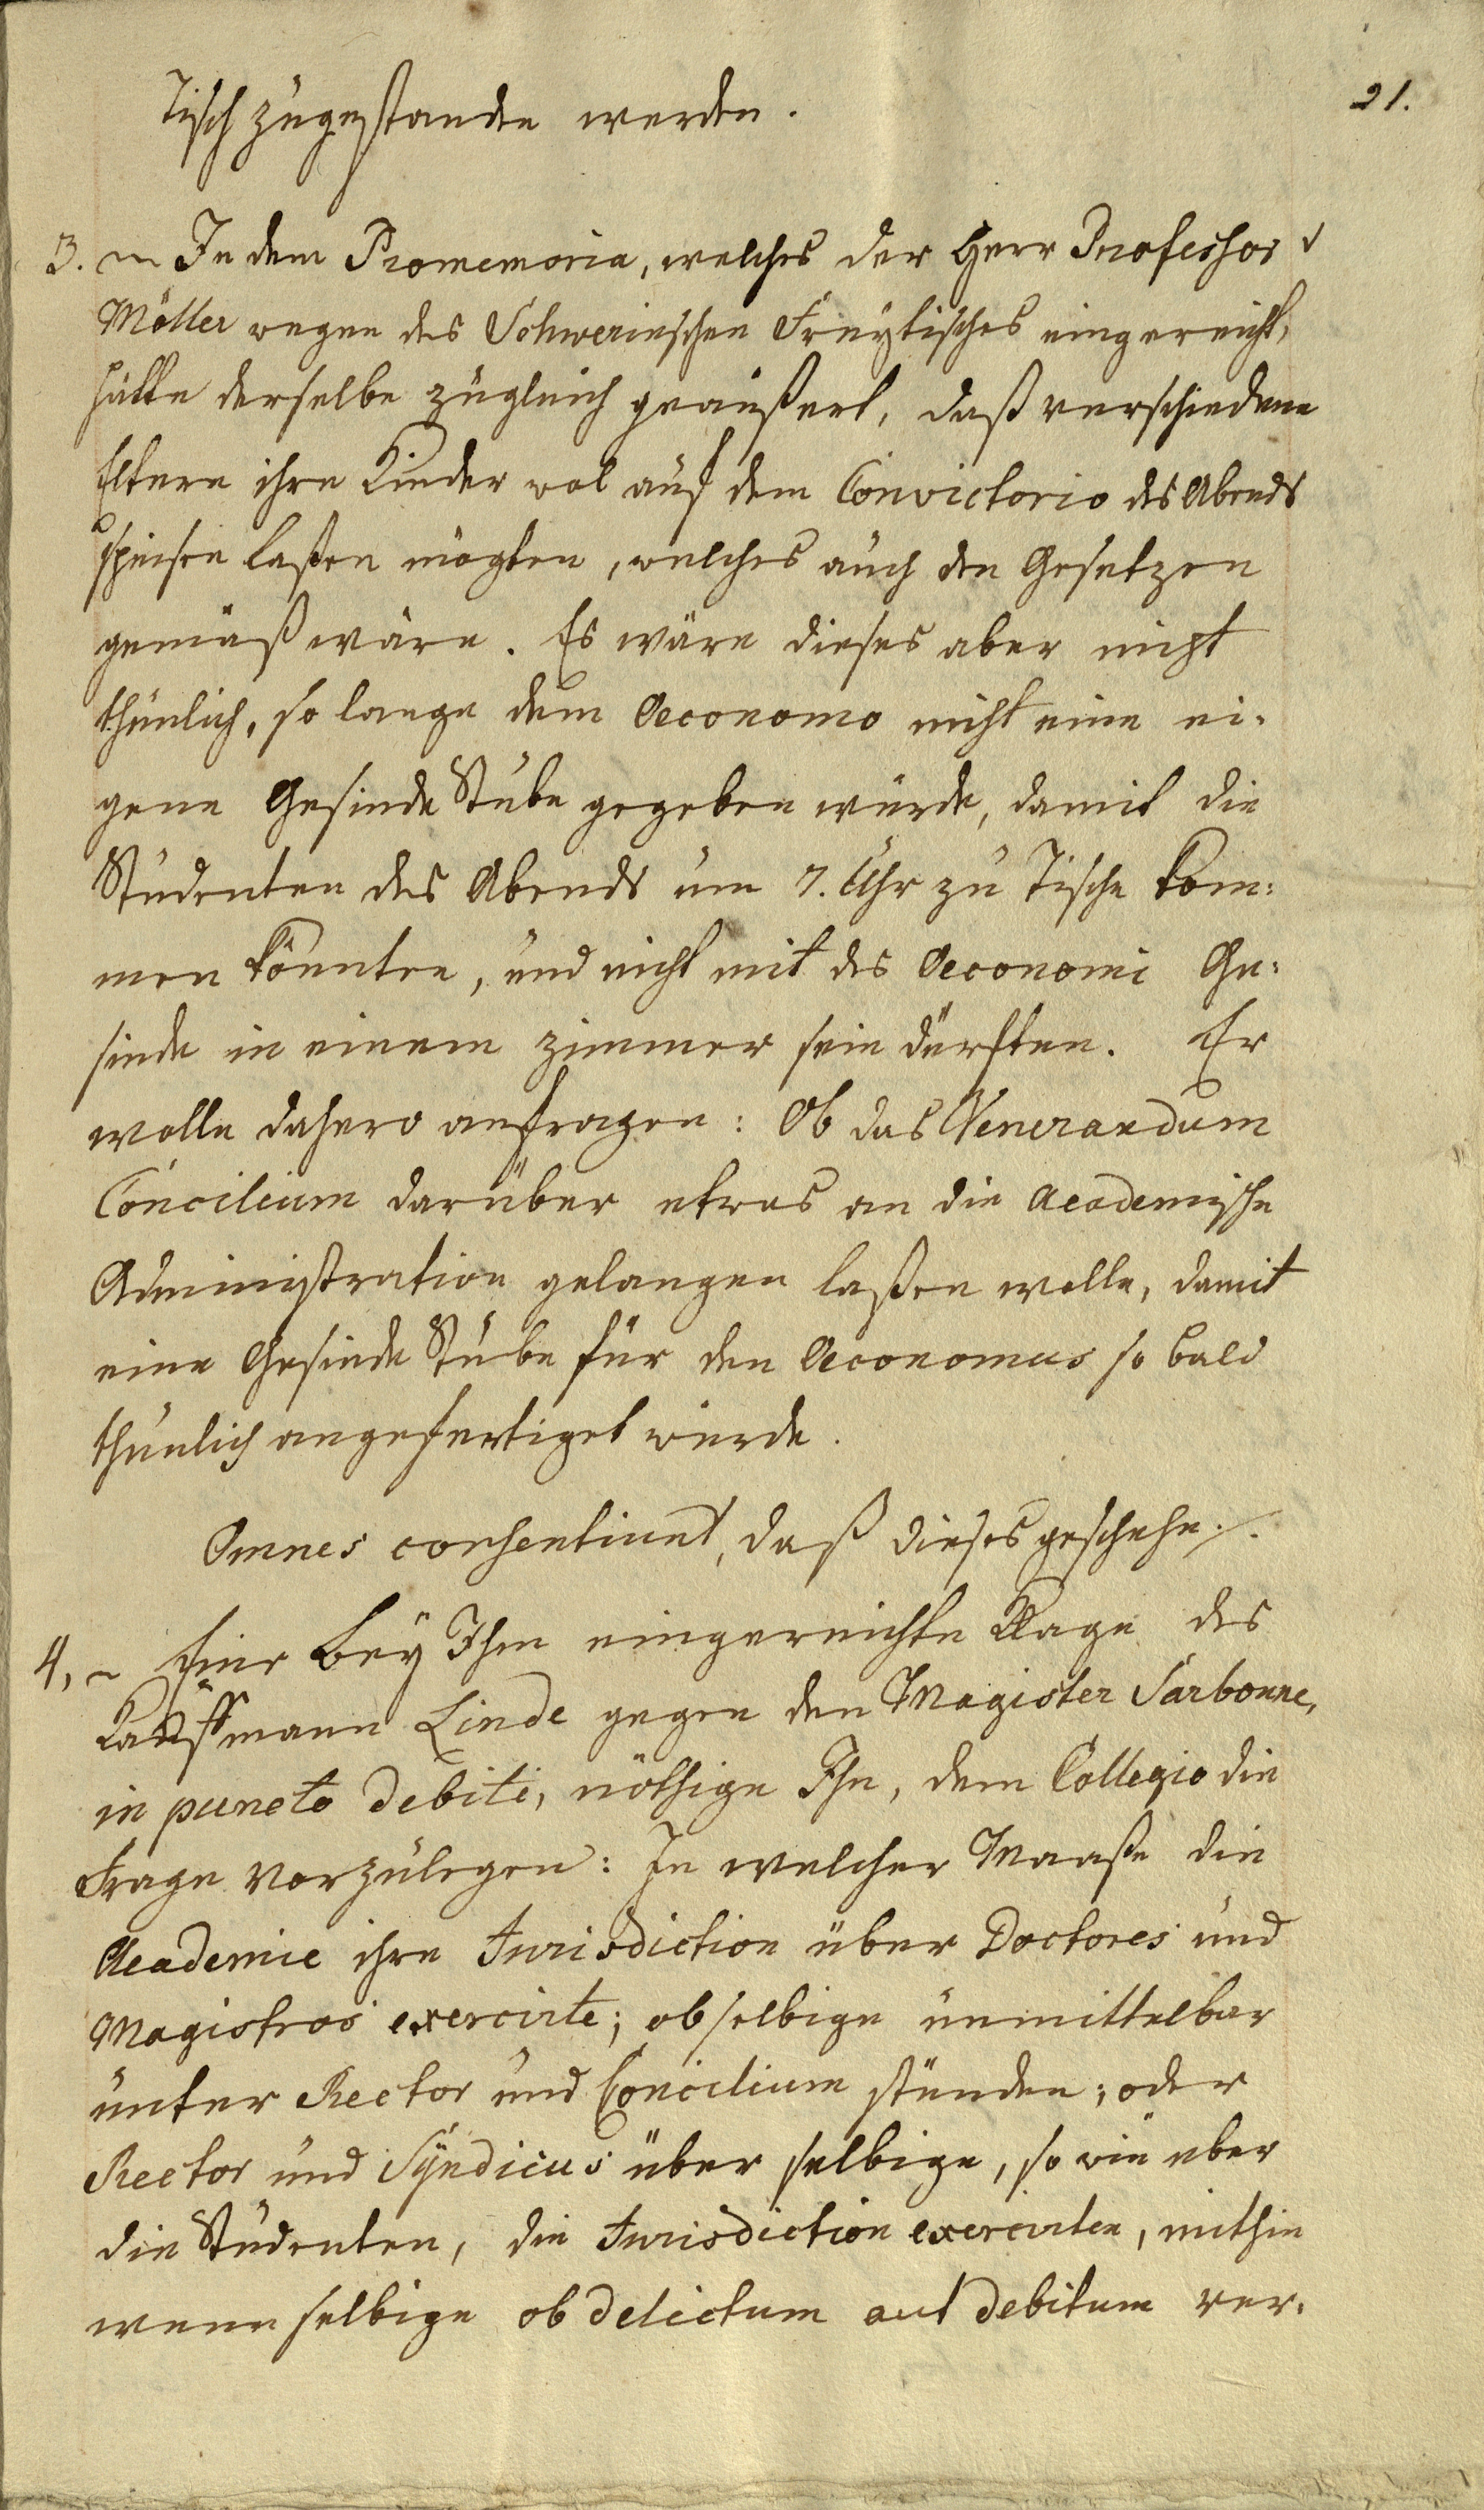Tisch zugestanden werden.
3. In dem Promemoria, welches der Herr Professor
Möller wegen des Schwerinschen Freÿtisches eingereicht,
hätte derselbe zugleich geäußert, daß verschiedene
Eltern ihre Kinder wol auf dem Convictorio des Abends
speisen laßen mögten, welches auch den Gesetzen
gemäß wäre. Es wäre dieses aber nicht
thunlich, so lange dem Oeconomo nicht eine ei¬
gene Gesinde Stube gegeben würde, damit die
Studenten des Abends um 7. Uhr zu Tische kom¬
men könnten, und nicht mit des Oeconomi Ge¬
sinde in einem Zimmer sein dürften. Er
wolle dahero anfragen: Ob das Venerandum
Concilium darüber etwas an die Academische
Administration gelangen laßen wolle, damit
eine Gesinde Stube für den Oeconomus so bald
thunlich angefertiget würde.
Omnes consentiunt, daß dieses geschehe.
4. Eine Beÿ Ihm eingereichte Klage des
Kaufmann Linde gegen den Magister Sarbonne,
in puncto debiti, nöthige Ihn, dem Collegio die
Frage vorzulegen: In welcher Maaße die
Academie ihre Jurisdiction über Doctores und
Magistros exercirte, ob selbige unmittelbar
unter Rector und Concilium stünden, oder
Rector und Sÿndicus über selbige, so wie über
die Studenten, die Jurisdiction exercirten, mithin
wenn selbige ob delictum aut debitum ver¬